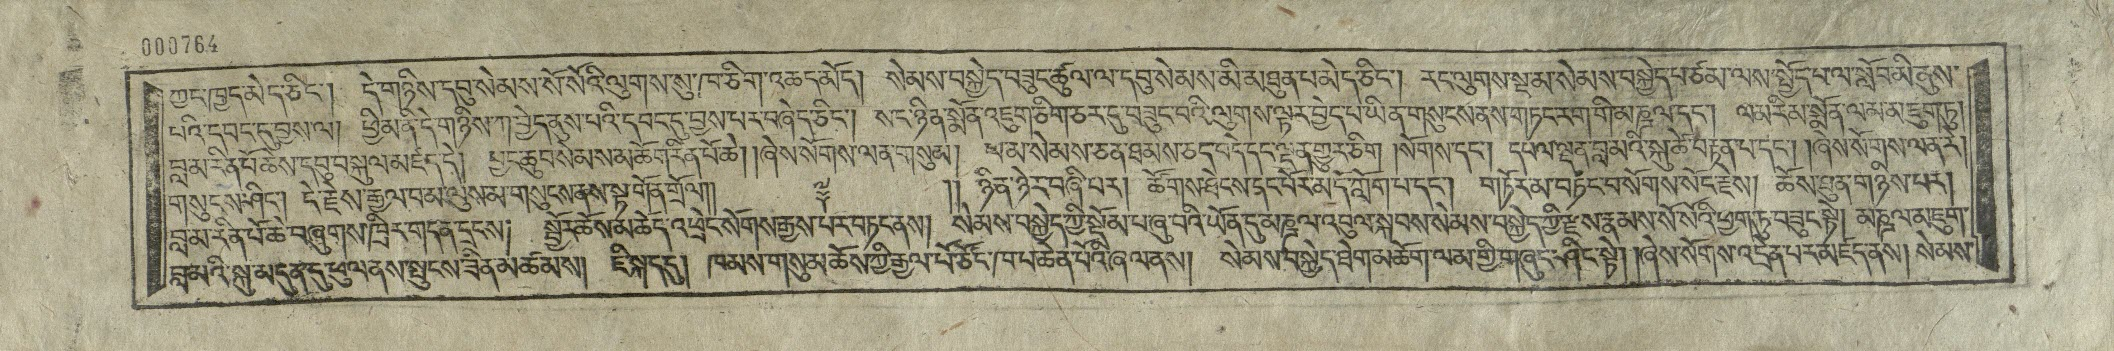ཀྱང་ཁྱད་མེད་ཅིང་། དེ་གཉིས་དབུ་སེམས་སོ་སོའི་ལུགས་སུ་ཁ་ཅིག་འཆད་མོད། སེམས་བསྐྱེད་བཟུང་ཚུལ་ལ་དབུ་སེམས་མི་མཐུན་པ་མེད་ཅིང་། རང་ལུགས་སྔ་མ་སེམས་བསྐྱེད་པ་ཙམ་ལས་སྤྱོད་པ་ལ་སློབ་མི་ནུས་
པའི་དབང་དུ་བྱས་ལ། ཕྱི་མ་ནི་དེ་གཉིས་ཀ་བྱེད་ནུས་པའི་དབང་དུ་བྱས་པར་བཞེད་ཅིང་། སང་ཉིན་སྨོན་འཇུག་ཅིག་ཅར་དུ་བཟུང་བའི་ལུགས་ལྟར་བྱེད་པ་ཡིན་གསུངས་ནས་གཏང་རག་གི་མཎྜལ་དང་། ལམ་རིམ་སྨོན་ལམ་མཇུག་ཏུ།
བླ་མ་རིན་པོ་ཆེས་དབུ་བསྐུལ་མཛད་དེ། བྱང་ཆུབ་སེམས་མཆོག་རིན་པོ་ཆེ། །ཞེས་སོགས་ལན་གསུམ། ཕ་མ་སེམས་ཅན་ཐམས་ཅད་བདེ་དང་ལྡན་གྱུར་ཅིག །སོགས་དང་། དཔལ་ལྡན་བླ་མའི་སྐུ་ཚེ་བརྟན་པ་དང་། །ཞེས་སོགས་ལན་རེ།
གསུངས་ཤིང་། དེ་རྗེས་རྒྱལ་བ་མ་ལུས་མ་གསུངས་ནས་སྟ་གོན་གྲོལ།། ༈ །།ཉིན་ཉེར་བཞི་པར། ཚོགས་ཐེངས་དང་པོར་མདོ་ཀློག་པ་དང་གཏོར་མ་བཏང་བ་སོགས་སོང་རྗེས། ཆོས་ཐུན་གཉིས་པར།
བླ་མ་རིན་པོ་ཆེ་བཞུགས་ཁྲིར་གདན་དྲངས༑ སྦྱོར་ཆོས་མཆོད་འཕྲེང་སོགས་རྒྱས་པར་བཏང་ནས། སེམས་བསྐྱེད་ཀྱི་སྡོམ་པ་ཞུ་བའི་ཡོན་དུ་མཎྜལ་འབུལ་སྐབས་སེམས་བསྐྱེད་ཀྱི་རྫས་རྣམས་སོ་སོའི་ཕྱག་ཏུ་བཟུང་སྟེ། མཎྜལ་མཇུག་
བླ་མའི་སྐུ་མདུན་དུ་ཕུལ་ནས་སྤུངས་ཟིན་མཚམས། ཇི་སྐད་དུ། ཁམས་གསུམ་ཆོས་ཀྱི་རྒྱལ་པོ་ཙོང་ཁ་པ་ཆེན་པོའི་ཞལ་ནས། སེམས་བསྐྱེད་ཐེག་མཆོག་ལམ་གྱི་གཞུང་ཤིང་སྟེ། །ཞེས་སོགས་འདྲེན་པར་མཛད་ནས། སེམས་